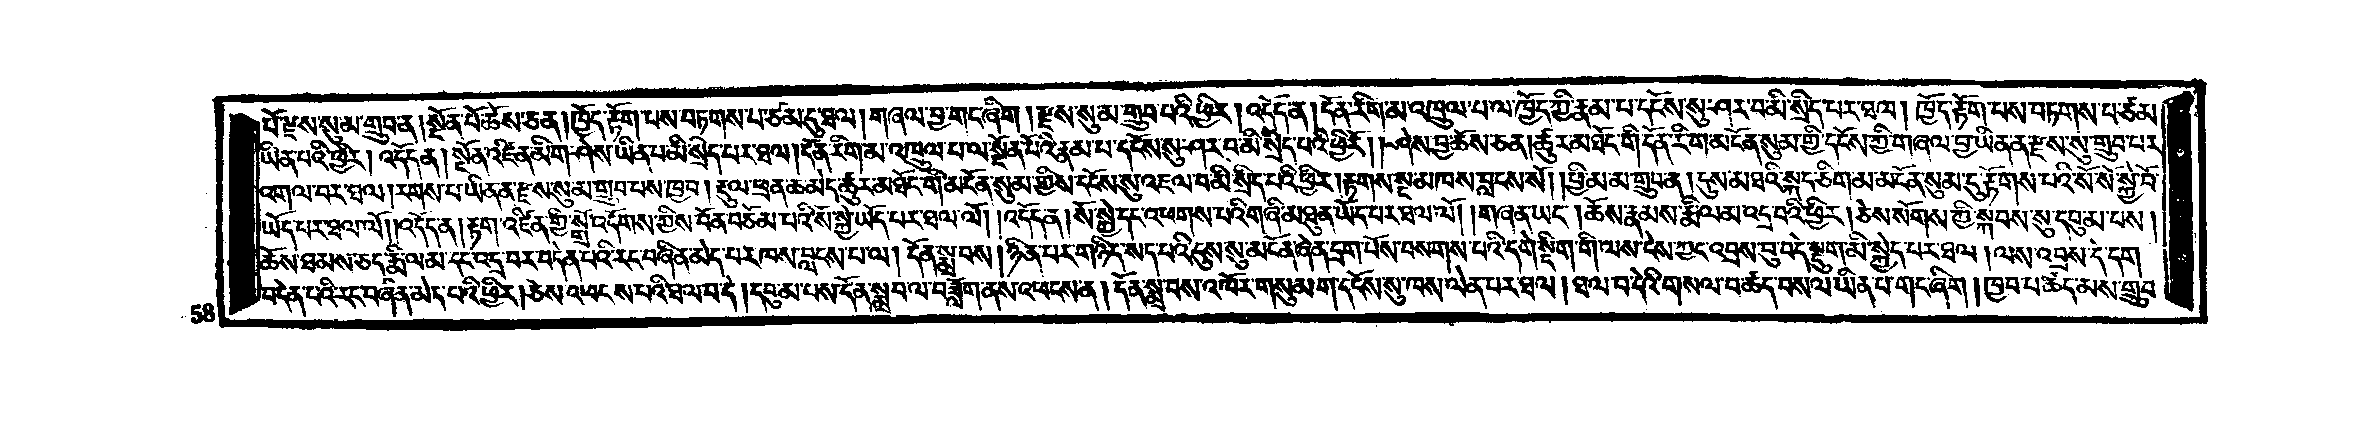པོ་རྫས་སུ་མ་གྲུབ་ན། སྔོན་པོ་ཆོས་ཅན། ཁྱོད་རྟོག་པས་བཏགས་པ་ཙམ་དུ་ཐལ། གཞལ་བྱ་གང་ཞིག །རྫས་སུ་མ་གྲུབ་པའི་ཕྱིར། འདོད་ན། དོན་རིག་མ་འཁྲུལ་པ་ལ་ཁྱོད་ཀྱི་རྣམ་པ་དངོས་སུ་ཤར་བ་མི་སྲིད་པར་ཐལ། ཁྱོད་རྟོག་པས་བཏགས་པ་ཙམ་
ཡིན་པའི་ཕྱིར། འདོད་ན། སྔོན་འཛིན་མིག་ཤེས་ཡིན་པ་མི་སྲིད་པར་ཐལ། དོན་རིག་མ་འཁྲུལ་པ་ལ་སྔོན་པོའི་རྣམ་པ་དངོས་སུ་ཤར་བ་མི་སྲིད་པའི་ཕྱིར་རོ། །ཤེས་བྱ་ཆོས་ཅན། ཚུར་མཐོང་གི་དོན་རིག་མངོན་སུམ་གྱི་དངོས་ཀྱི་གཞལ་བྱ་ཡིན་ན་རྫས་སུ་གྲུབ་པར་
འགལ་བར་ཐལ། རགས་པ་ཡིན་ན་རྫས་སུ་མ་གྲུབ་པས་ཁྱབ། རྡུལ་ཕྲན་ཆ་མེད་ཚུར་མཐོང་གི་མངོན་སུམ་གྱིས་དངོས་སུ་འཇལ་བ་མི་སྲིད་པའི་ཕྱིར། རྟགས་སྔ་མཁས་བླངས་སོ། །ཕྱི་མ་མ་གྲུབ་ན། དུས་མཐའི་སྐད་ཅིག་མ་མངོན་སུམ་དུ་རྟོགས་པའི་སོ་སོ་སྐྱེ་བོ་
ཡོད་པར་ཐལ་ལོ། །འདོད་ན། རྟག་འཛིན་གྱི་སྒྲོ་འདོགས་ཀྱི་ས་བོན་བཅོམ་པའི་སོ་སྐྱེ་ཡོད་པར་ཐལ་ལོ། །འདོད་ན། སོ་སྐྱེ་དང་འཕགས་པའི་གཞི་མཐུན་ཡོད་པར་ཐལ་ལོ། །གཞན་ཡང་། ཆོས་རྣམས་རྨི་ལམ་འདྲ་བའི་ཕྱིར། ཅེས་སོགས་ཀྱི་སྐབས་སུ་དབུ་མ་པས།
ཆོས་ཐམས་ཅད་རྨི་ལམ་དང་འདྲ་བར་བདེན་པའི་རང་བཞིན་མེད་པར་ཁས་བླངས་པ་ལ། དོན་སྨྲ་བས། ཉིན་པར་གཉིད་སད་པའི་དུས་སུ་མངོན་ཞེན་དྲག་པོས་བསགས་པའི་དགེ་སྡིག་གི་ལས་ངེས་ཀྱང་འབྲས་བུ་བདེ་སྡུག་མི་སྐྱེད་པར་ཐལ། ལས་འབྲས་དེ་དག་
བདེན་པའི་རང་བཞིན་མེད་པའི་ཕྱིར། ཅེས་འཕངས་པའི་ཐལ་བ་དེ། དབུ་མ་པས་དོན་སྨྲ་བ་ལ་བཟློག་ནས་འཕངས་ན། དོན་སྨྲ་བས་འཁོར་གསུམ་ག་དངོས་སུ་ཁས་ལེན་པར་ཐལ། ཐལ་བ་དེའི་གསལ་བ་ཚད་བསལ་ཡིན་པ་གང་ཞིག །ཁྱབ་པ་ཚད་མས་གྲུབ་